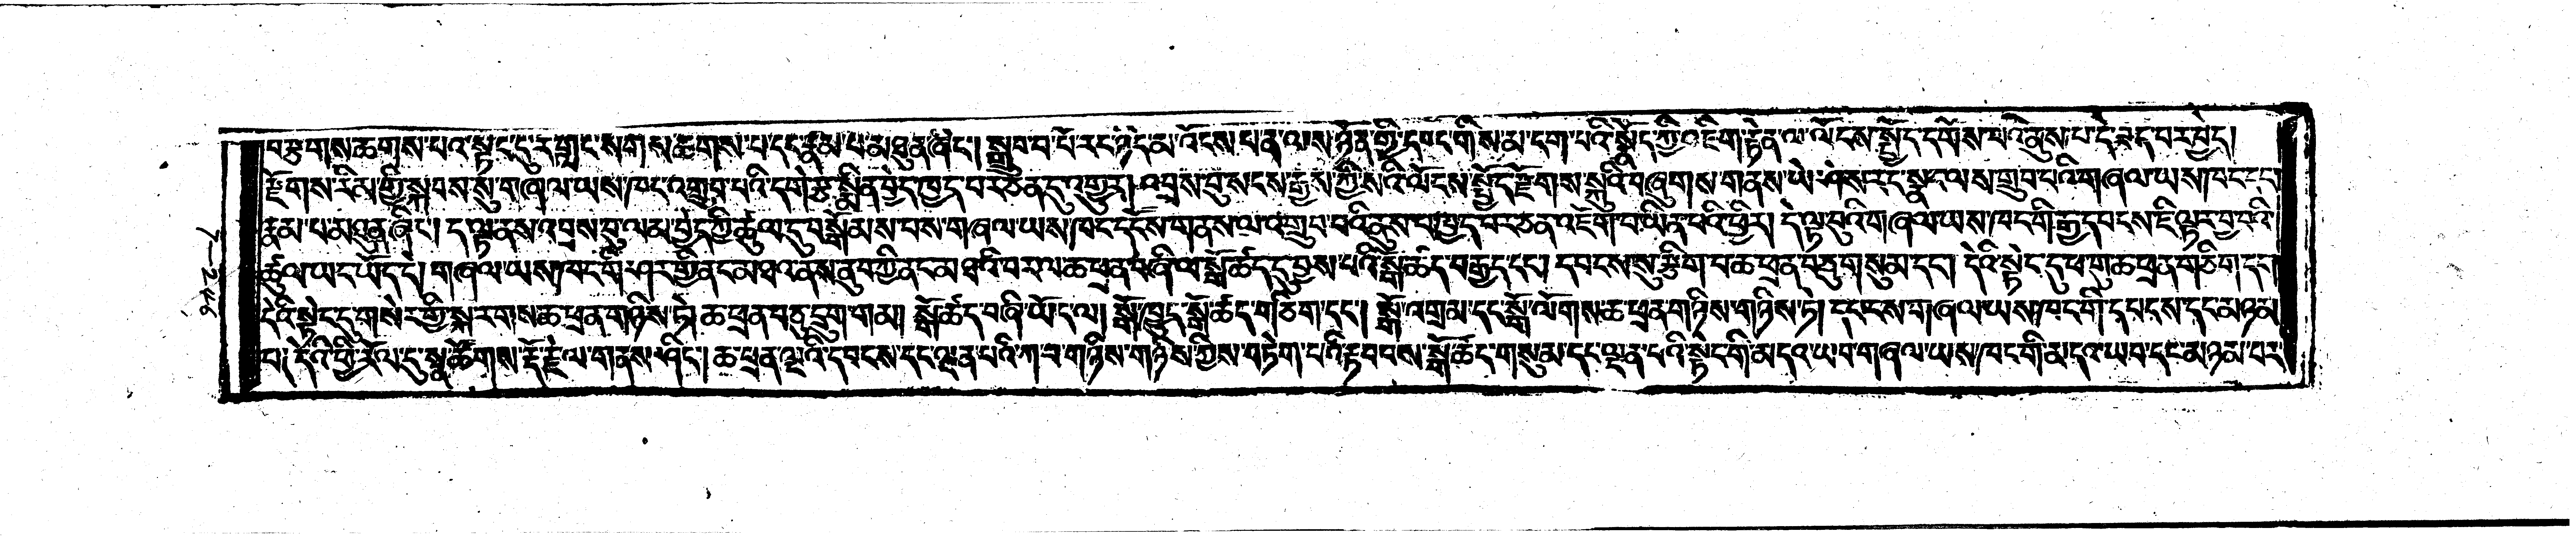བརྩེགས་ཆགས་པའི་སྟེང་དུ་རི་གླིང་སོགས་ཆགས་པ་དང་རྣམ་པ་མཐུན་ཞིང་། སྒྲུབ་པ་པོ་རང་ཉིད་མ་འོངས་པ་ན་ལས་ཉོན་གྱི་དབང་གིས་མ་དག་པའི་སྣོད་ཀྱི་འཇིག་རྟེན་ལ་ལོངས་སྤྱོད་དགོས་པའི་ནུས་པ་དེ་ཟད་པར་བྱེད།
རྫོགས་རིམ་གྱི་སྐབས་སུ་གཞལ་ཡས་ཁང་འགྲུབ་པའི་དགེ་རྩ་སྨིན་བྱེད་ཁྱད་པར་ཅན་དུ་འགྱུར། འབྲས་བུ་སངས་རྒྱས་ཀྱི་སའི་ལོངས་སྤྱོད་རྫོགས་སྐུའི་བཞུགས་གནས་ཡེ་ཤེས་རང་སྣང་ལས་གྲུབ་པའི་གཞལ་ཡས་ཁང་དང་
རྣམ་པ་མཐུན་ཞིང་། ད་ལྟ་ནས་འབྲས་བུ་ལམ་བྱེད་ཀྱི་ཚུལ་དུ་བསྒོམས་པས་གཞལ་ཡས་ཁང་དངོས་གནས་ལ་འགྲུབ་པའི་ནུས་པ་ཁྱད་པར་ཅན་འཇོག་པ་ཡིན་པའི་ཕྱིར། དེ་ལྟ་བུའི་གཞལ་ཡས་ཁང་གི་རྒྱ་དཔངས་ཇི་ལྟར་བྱ་བའི་
ཚུལ་ཡང་ཡོད་དེ། གཞལ་ཡས་ཁང་གི་ཤར་གྱི་ནང་མཐའ་ནས་ནུབ་ཀྱི་ནང་མཐའི་བར་ལ་ཆ་ཕྲན་བཞི་ལ་སྒོ་ཚད་དུ་བྱས་པའི་སྒོ་ཚད་བརྒྱད་དང་། དཔངས་སུ་རྩིག་པ་ཆ་ཕྲན་བཅུ་གསུམ་དང་། དེའི་སྟེང་དུ་ཕ་གུ་ཆ་ཕྲན་གཅིག་དང་།
དེའི་སྟེང་དུ་གསེར་གྱི་སྐ་རགས་ཆ་ཕྲན་གཉིས་ཏེ། ཆ་ཕྲན་བཅུ་དྲུག་གམ། སྒོ་ཚད་བཞི་ཡོད་ལ། སྒོ་ཁྱུད་སྒོ་ཚད་གཅིག་དང་། སྒོ་འགྲམ་དང་སྒོ་ལོགས་ཆ་ཕྲན་གཉིས་གཉིས་ཏེ། དཔངས་གཞལ་ཡས་ཁང་གི་དཔངས་དང་མཉམ་
པ༑ དེའི་ཕྱི་རོལ་དུ་སྣ་ཚོགས་རྡོ་རྗེ་ལ་གནས་ཤིང་། ཆ་ཕྲན་ལྔའི་དཔངས་དང་ལྡན་པའི་ཀ་བ་གཉིས་གཉིས་ཀྱིས་བཏེག་པའི་རྟ་བབས་སྒོ་ཚད་གསུམ་དང་ལྡན་པའི་སྟེང་གི་མདའ་ཡབ་གཞལ་ཡས་ཁང་གི་མདའ་ཡབ་དང་མཉམ་པར་